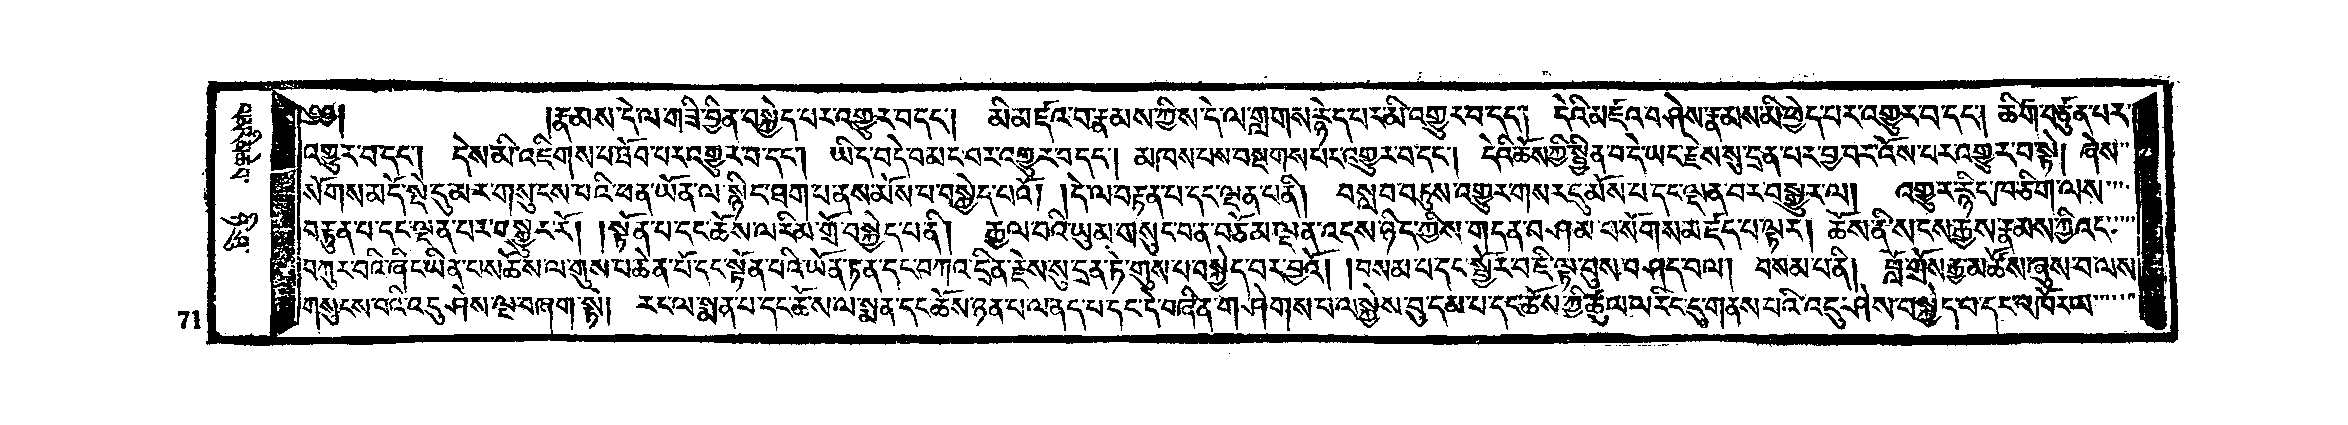༄༅། །རྣམས་དེ་ལ་གཟི་བྱིན་བསྐྱེད་པར་འགྱུར་བ་དང་། མི་མཛའ་བ་རྣམས་ཀྱིས་དེ་ལ་གླགས་རྙེད་པར་མི་འགྱུར་བ་དང་། དེའི་མཛའ་བཤེས་རྣམས་མི་ཕྱེད་པར་འགྱུར་བ་དང་། ཚིག་བཙུན་པར་
འགྱུར་བ་དང་། དེས་མི་འཇིགས་པ་ཐོབ་པར་འགྱུར་བ་དང་། ཡིད་བདེ་བ་མང་བར་འགྱུར་བ་དང་། མཁས་པས་བསྔགས་པར་འགྱུར་བ་དང་། དེའི་ཆོས་ཀྱི་སྦྱིན་པ་དེ་ཡང་རྗེས་སུ་དྲན་པར་བྱ་བར་འོས་པར་འགྱུར་བ་སྟེ། ཞེས་
སོགས་མདོ་སྡེ་དུ་མར་གསུངས་པའི་ཕན་ཡོན་ལ་སྙིང་ཐག་པ་ནས་མོས་པ་བསྐྱེད་པའོ། །དེ་ལ་བརྟན་པ་དང་ལྡན་པ་ནི། བསླབ་བཏུས་འགྱུར་གསར་དུ་མོས་པ་དང་ལྡན་པར་བསྒྱུར་ལ། འགྱུར་རྙིང་ཁ་ཅིག་ལས་
བརྟུན་པ་དང་ལྡན་པར་བསྒྱུར་རོ། །སྟོན་པ་དང་ཆོས་ལ་རིམ་གྲོ་བསྐྱེད་པ་ནི། རྒྱལ་བའི་ཡུམ་གསུང་བ་ན་བཅོམ་ལྡན་འདས་ཉིད་ཀྱིས་གདན་བཤམ་པ་སོགས་མཛད་པ་ལྟར། ཆོས་ནི་སངས་རྒྱས་རྣམས་ཀྱིའང་
བཀུར་བའི་ཞིང་ཡིན་པས་ཆོས་ལ་གུས་པ་ཆེན་པོ་དང་སྟོན་པའི་ཡོན་ཏན་དང་བཀའ་དྲིན་རྗེས་སུ་དྲན་ཏེ་གུས་པ་བསྐྱེད་པར་བྱའོ། །བསམ་པ་དང་སྦྱོར་བ་ཇི་ལྟ་བུས་བཤད་པ་ལ། བསམ་པ་ནི། བློ་གྲོས་རྒྱ་མཚོས་ཞུས་པ་ལས་
གསུངས་པའི་འདུ་ཤེས་ལྔ་བཞག་སྟེ། རང་ལ་སྨན་པ་དང་ཆོས་ལ་སྨན་དང་ཆོས་ཉན་པ་ལ་ནད་པ་དང་དེ་བཞིན་གཤེགས་པ་ལ་སྐྱེས་བུ་དམ་པ་དང་ཆོས་ཀྱི་ཚུལ་ལ་རིང་དུ་གནས་པའི་འདུ་ཤེས་བསྐྱེད་པ་དང་འཁོར་ལ་